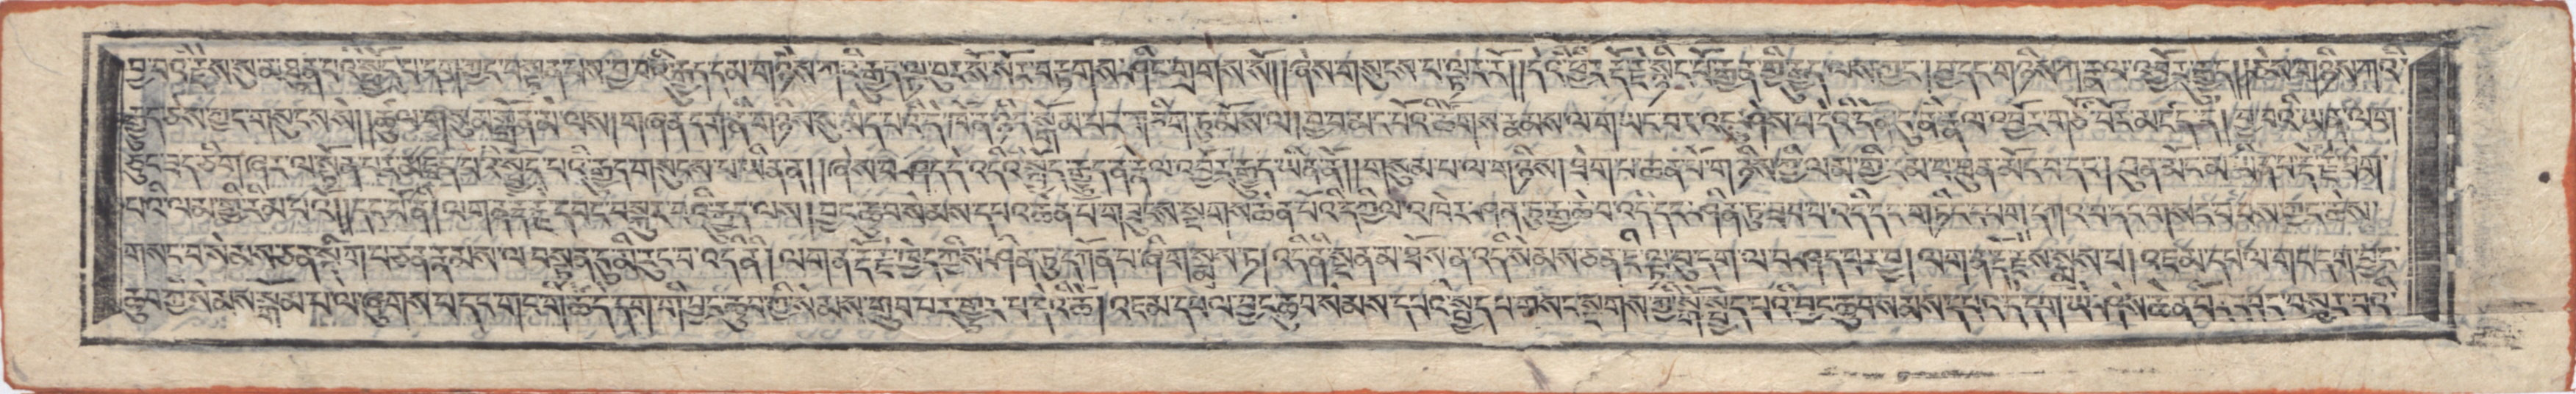བྱ་བའི་རྗེས་སུ་མཐུན་པའི་སྤྱོད་པ་དག་ཀྱང་བསྟན་པས་བྱ་བའི་རྒྱུད་དམ་གཉིས་ཀའི་རྒྱུད་ལྟ་བུར་སོ་སོར་བརྟགས་ཤིང་གྲགས་སོ། །ཞེས་གསུངས་པ་ལྟར་རོ། །དེའི་ཕྱིར་རྡོ་རྗེ་སྙིང་པོ་རྒྱན་གྱི་རྒྱུད་ལས་ཀྱང་། བྱ་དང་གཉིས་ཀ་རྣལ་འབྱོར་རྒྱུད། །ཅེས་གཉིས་ཀའི་
རྒྱུད་ཅེས་ཀྱང་གསུངས་སོ། །ཚུལ་གསུམ་སྒྲོན་མེ་ལས། གཞན་དག་ནི་གཉིས་སུ་མེད་པའི་དེ་ཁོ་ན་ཉིད་སྒོམ་པར་གཅིག་ཏུ་མོས་ལ། བྱ་བ་མང་པོའི་ཚོགས་རྣམས་ལ་གཡང་བར་འདུ་ཤེས་པ་དེའི་དོན་དུ་ནི་རྣལ་འབྱོར་གཙོ་བོར་མཛད་དེ། བྱ་བའི་ཡན་ལག་
ཅུང་ཟད་ཅིག་ཞར་ལ་སྟོན་པར་མཇད་?་པའི་སྤྱོད་པའི་རྒྱུད་གསུངས་པ་ཡིན་ན། །ཞེས་བཤད་དེ་འདིའི་སྤྱོད་རྒྱུད་ནི་རྣལ་འབྱོར་རྒྱུད་ཡིན་ནོ། །གསུམ་པ་ལ་གཉིས། ཐེག་པ་ཆེན་པོ་གཉིས་ཀྱི་ལམ་གྱི་རིམ་པ་ཐུན་མོང་བ་དང་། ཐུན་མོང་མ་ཡིན་པ་རྡོ་རྗེ་ཐེག་
པའི་ལམ་གྱི་རིམ་པའོ། །དང་པོ་ནི། ལག་ན་རྡོ་རྗེ་དབང་བསྐུར་བའི་རྒྱུད་ལས། བྱང་ཆུབ་སེམས་དཔའ་ཆེན་པོ་གཟུངས་སྔགས་ཆེན་པོའི་དཀྱིལ་འཁོར་ཤིན་ཏུ་རྒྱ་ཆེ་བ་འདི་དང་ཤིན་ཏུ་ཟབ་པ་འདི་དང་གཏིང་དཔག་དཀའ་བ་དང་གསང་བ་བས་?་ཀྱང་ཆེས་
གསང་བ་སེམས་ཅན་སྡིག་པ་ཅན་རྣམས་ལ་བསྟན་དུ་མི་རུང་བ་འདི་ནི། ལག་ན་རྡོ་རྗེ་ཁྱེད་ཀྱིས་ཤིན་ཏུ་དཀོན་པ་ཞིག་སྨྲས་ཏེ། འདི་ནི་སྔོན་མ་ཐོས་ན་འདི་སེམས་ཅན་ཇི་ལྟ་བུ་དག་ལ་བཤད་པར་བྱ། ལག་ན་རྡོ་རྗེས་སྨྲས་པ། འཇམ་དཔལ་གང་དག་བྱང་
ཆུབ་ཀྱི་སེམས་སྒོམ་པ་ལ་ཞུགས་པ་དང་གང་གི་ཚེ་དེ་དག་གི་བྱང་ཆུབ་ཀྱི་སེམས་གྲུབ་པར་གྱུར་པ་དེའི་ཚེ། འཇམ་དཔལ་བྱང་ཆུབ་སེམས་དཔའི་སྤྱད་པ་གསང་སྔགས་ཀྱི་སྒོ་སྤྱོད་པའི་བྱང་ཆུབ་སེམས་དཔའ་དེ་དག་ཡེ་ཤེས་ཆེན་པོར་དབང་བསྐུར་བའི་